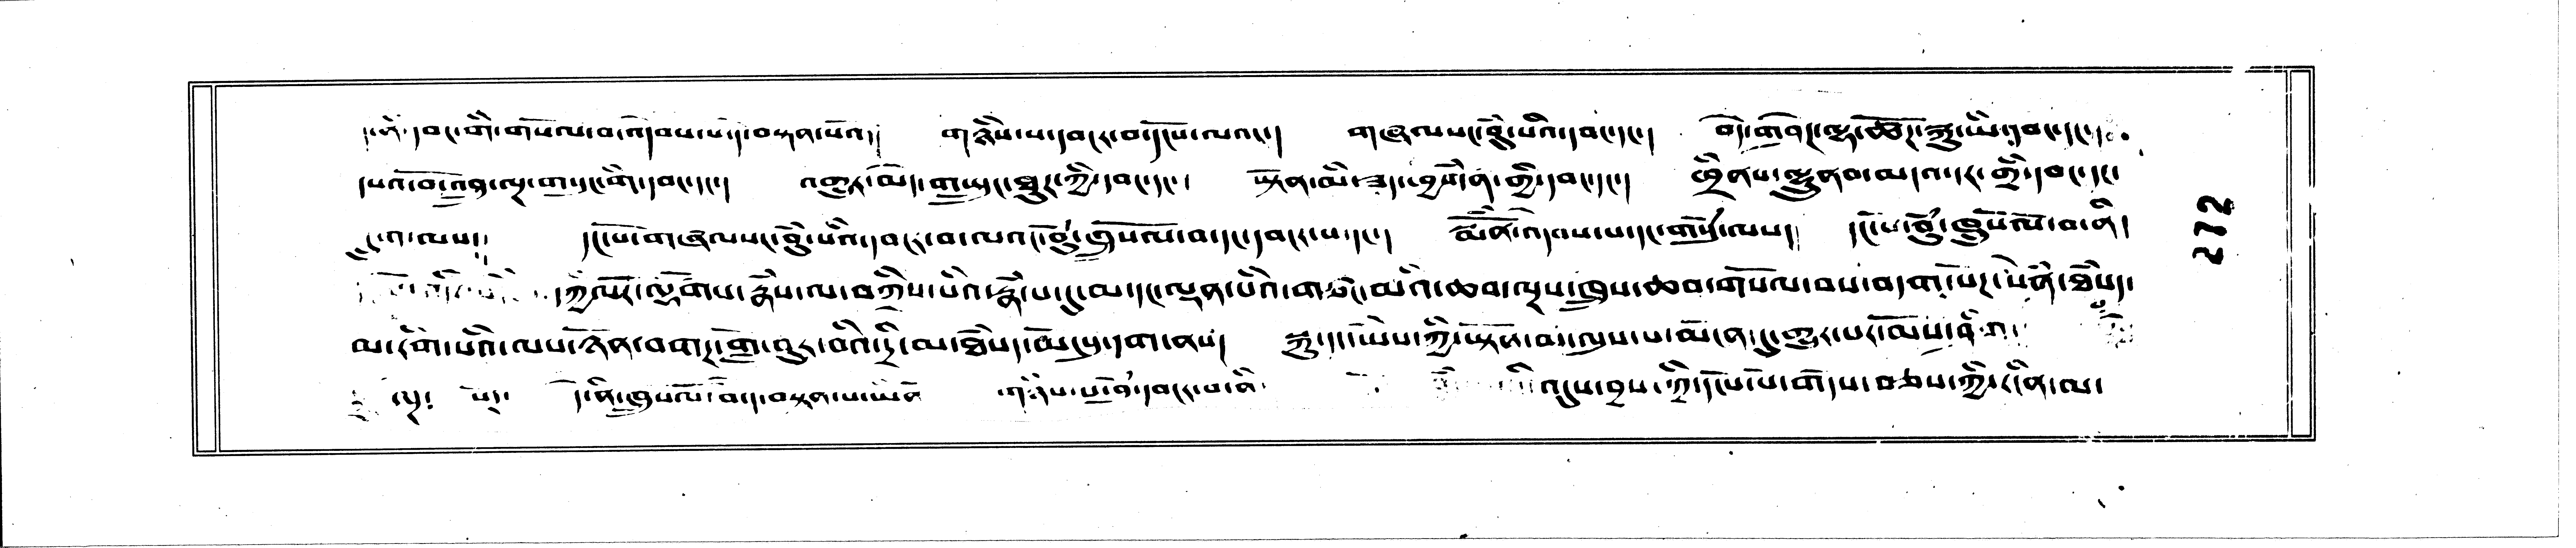དེ་ནི་དབང་གི་གསོལ་བ་འདེབས་པ་དེ་བསྟན་པའོ། གཉིས་པ་དབང་བསྐུར་བ་དངོས་ལའང་། གཞལ་ཡས་ཁང་བུམ་པའི་དབང་དང་། བདེར་གཤེགས་ལྷ་ཚོགས་སྐུ་ཡི་དབང་དང་།
 དཔའ་བོ་འབྲུ་ལྔ་གསུང་གི་དབང་དང་། འགྱུར་མེད་གཡུང་དྲུང་ཐུགས་ཀྱི་དབང་དང་། ཡོན་ཏན་མི་བཟད་ཕྱག་མཚན་གྱི་དབང་དང་། འཕྲིན་ལས་ལྷུན་གྲུབ་མདའ་དར་གྱི་དབང་དང་
དྲུག་ལས། དང་པོ་གཞལ་ཡས་ཁང་བུམ་པའི་དབང་བསྐུར་བ་ལའང་། བུམ་ཁྲུས་གསོལ་བ་དང་། དབང་བསྐུར་བ་དང་། སྨོན་ལམ་འདེབས་པ་དང་གསུམ་ལས། དང་པོ་བུམ་ཁྲུས་གསོལ་བ་ནི།
 དང་པོ་འདིར་བདེར་གཤེགས་དཀྱིལ་འཁོར་ལྷ་ཚོགས་རྣམས་ལ་བཀྲ་ཤིས་པའི་རྣམ་པ་དུ་མ་དང་ལྡན་པའི་གཙང་མའི་ཆབ་ལྔས་ཁྲུས་གསོལ་བས་བདག་སོགས་སེམས་ཅན་ཐམས་ཅད་
མ་རིག་པའི་ལས་ཉོན་བག་ཆགས་གློ་བུར་བའི་དྲི་མ་ཐམས་ཅད་ཡོངས་སུ་དག་ནས་སྐུ་དང་ཡེ་ཤེས་ཀྱི་ཡོན་ཏན་མ་ལུས་པ་མངོན་དུ་གྱུར་པར་མོས་ཤིག། ཨཱོྃ་
སྐུ་ལྔ་སོགས། དེ་ནི་ཁྲུས་གསོལ་བ་དེ་བསྟན་པ་ཡིན། གཉིས་པ་བུམ་དབང་བསྐུར་བ་ནི། ༼༽འདུས་བྱས་ཀྱི་དངོས་པོ་གདོས་བཅས་ཀྱི་རང་བཞིན་མ་